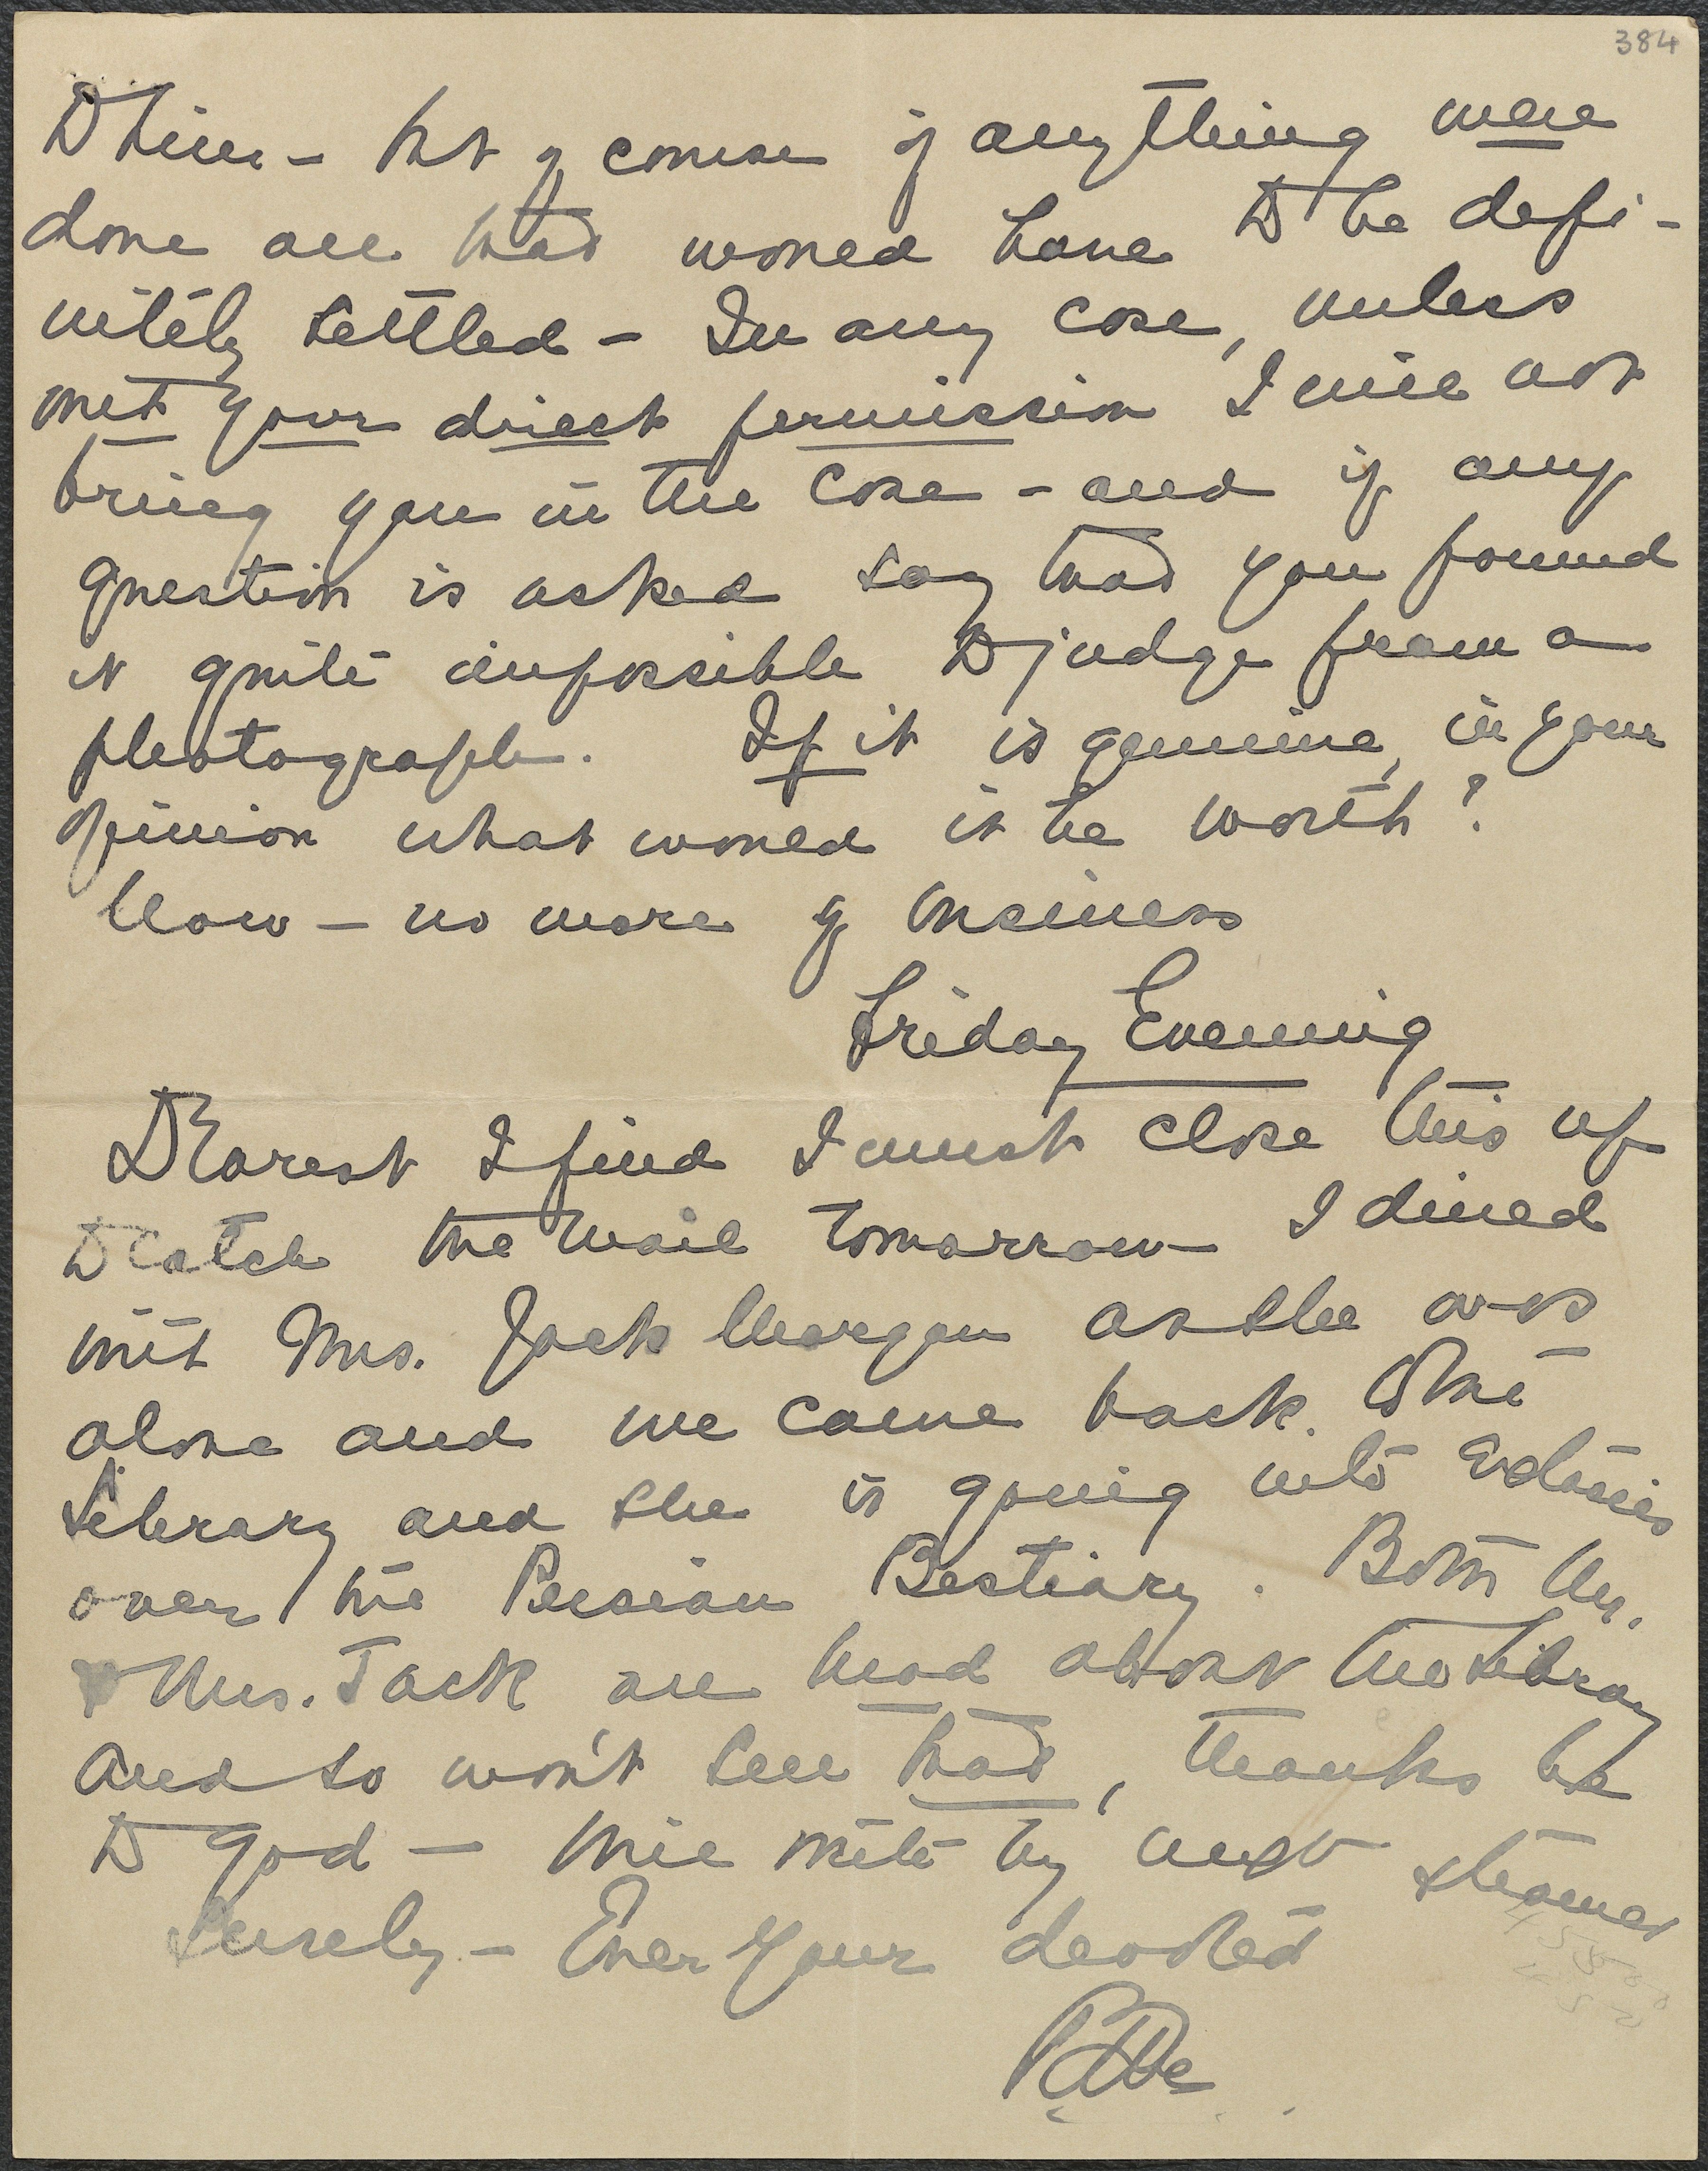to him – but of course if anything were done all that would have to be definitely settled – In any case, unless with your direct permission I will not bring you in the case – and if any question is asked say that you found it quite impossible to judge from a photograph. If it is genuine in your opinion what would it be worth?
Now – no more of business
Friday Evening
Dearest I find I must close this up to catch the mail tomorrow – I dined with Mrs. Jack Morgan as she was alone and we came back to the Library and she is going into ecstasies over the Persian Bestiary. Both Mr. & Mrs. Jack are mad about the Library and so won’t sell that, thanks be to god – will write by next steamer surely – Ever Your devoted
Belle